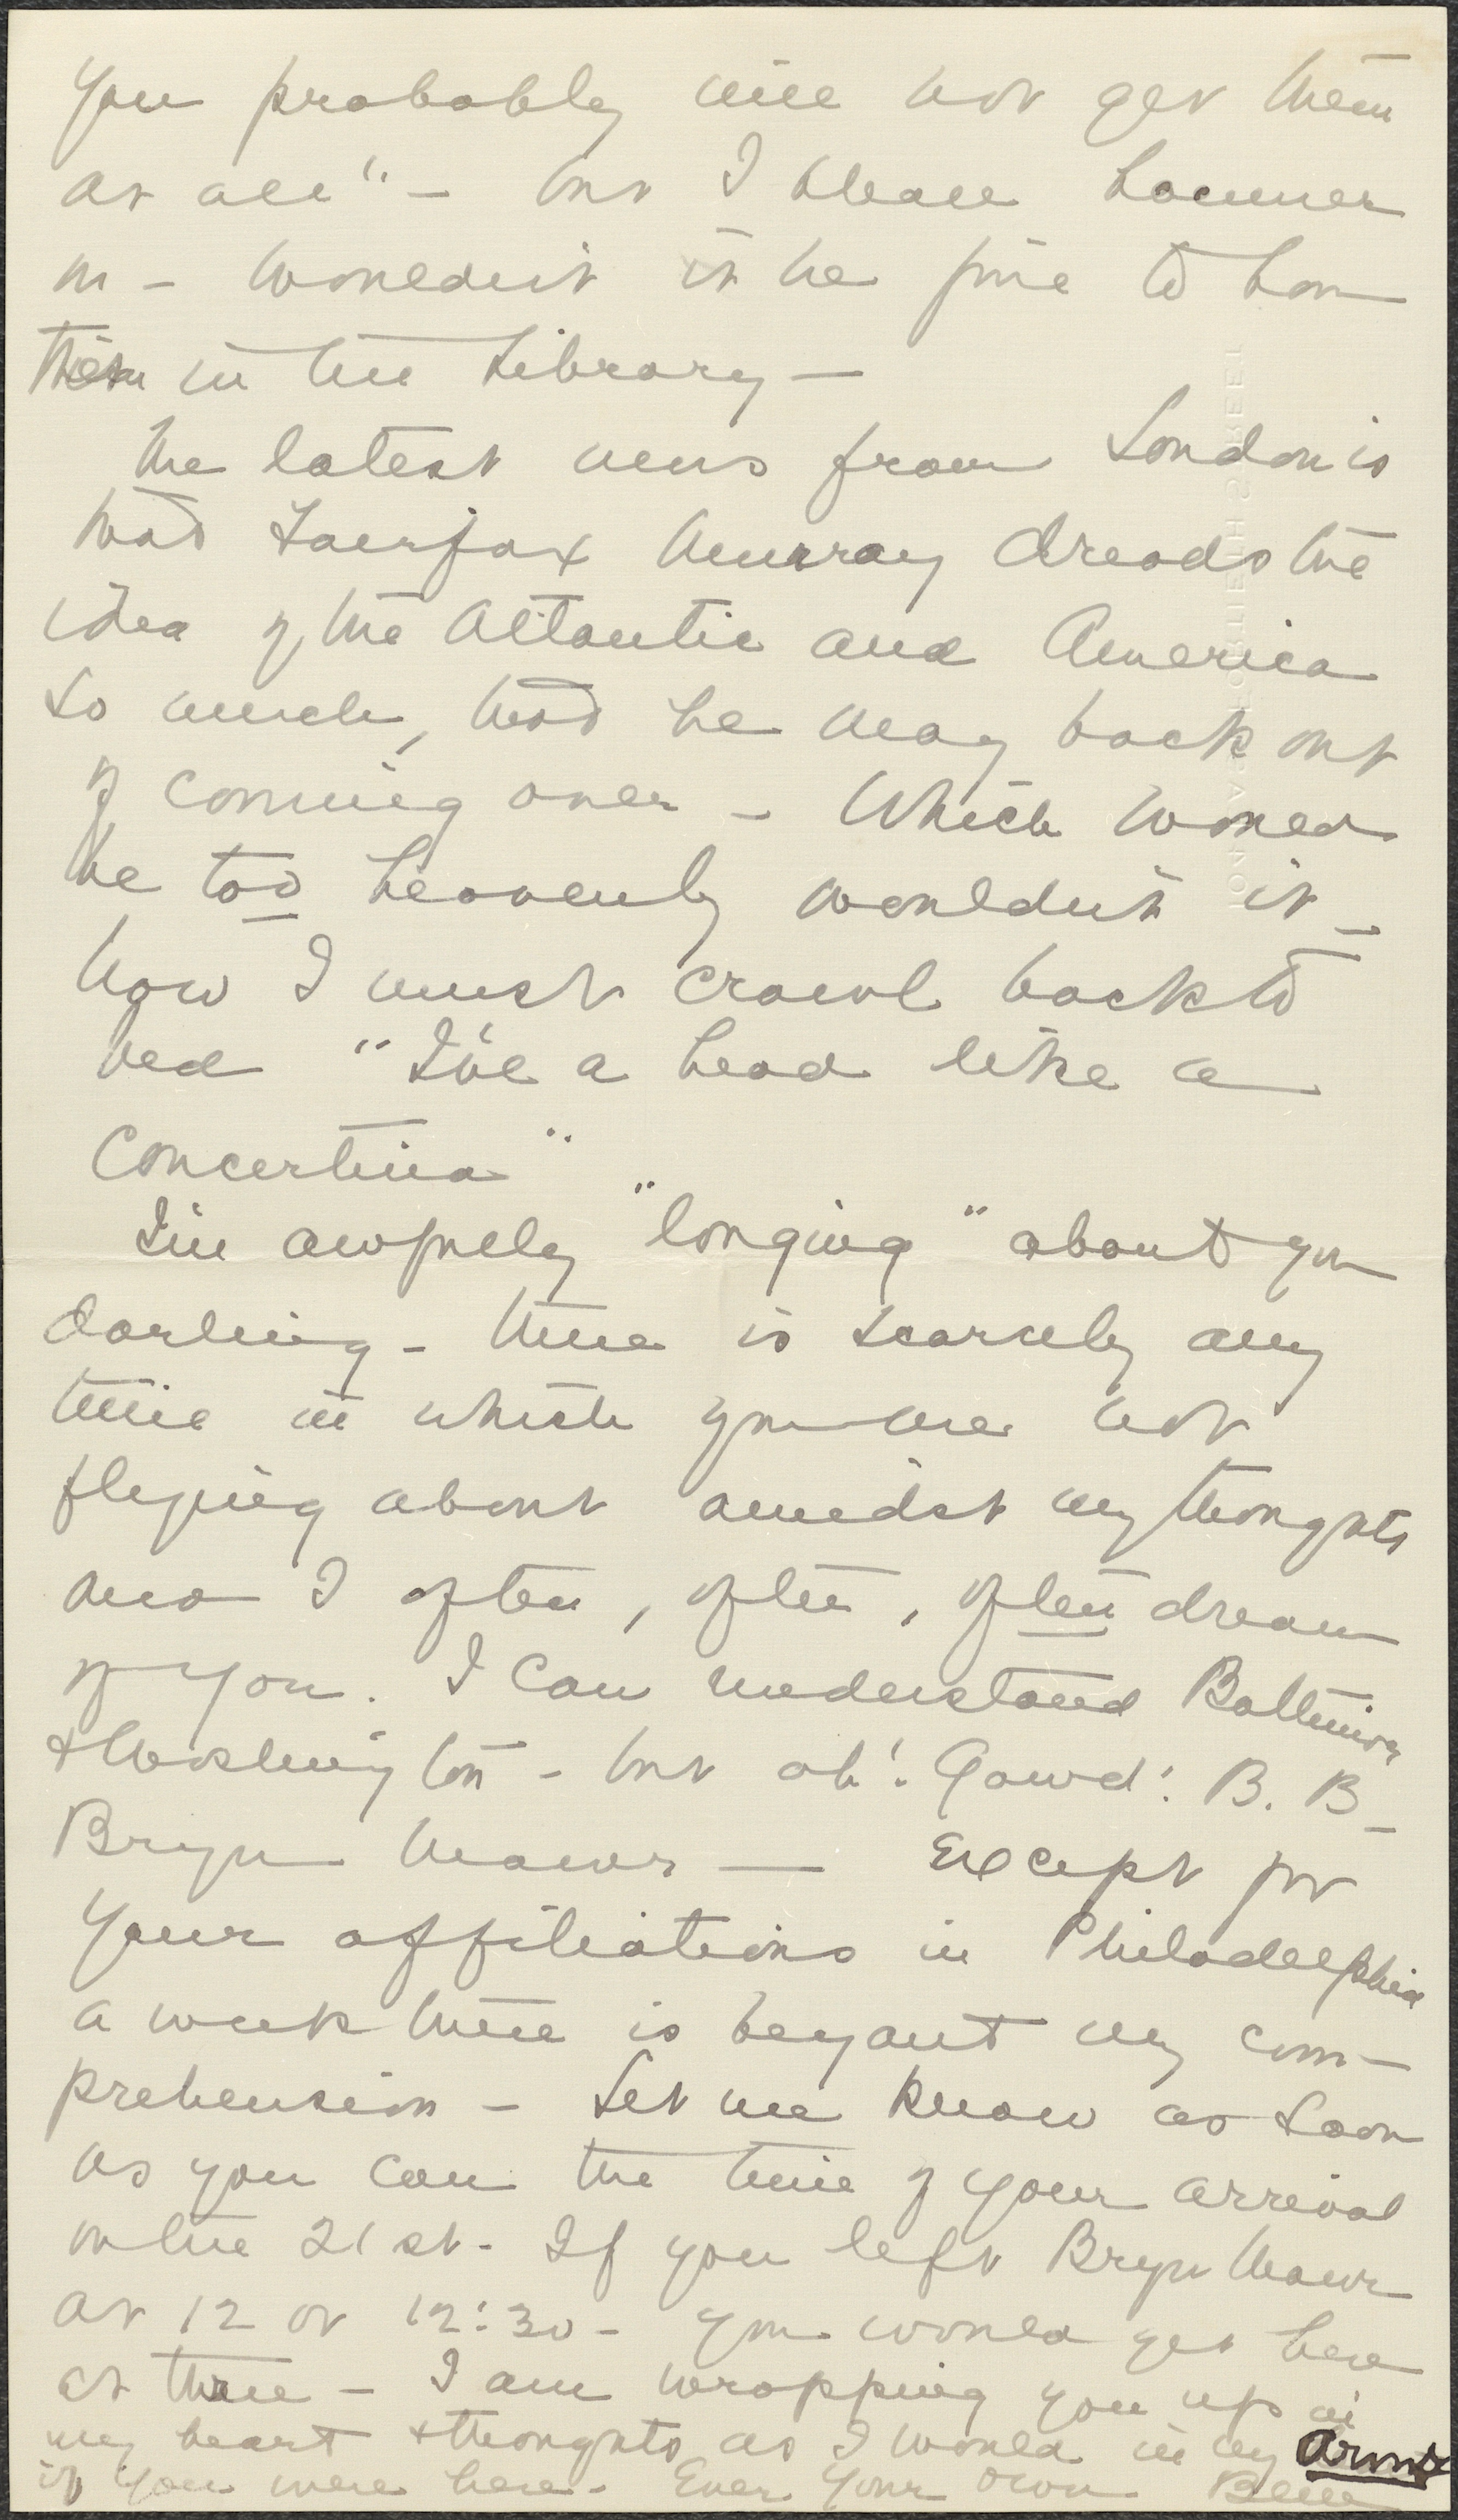you probably will not get them at all” – but I shall hammer on – wouldn’t it be fine to have them in the Library –
The latest news from London is that Fairfax Murray dreads the idea of the Atlantic and America so much, that he may back out of coming over – Which would be too heavenly wouldn’t it – how I must crawl back to bed “I’ve a head like a concertina”
I’m awfully “longing” about you darling – there is scarcely any time in which you are not flying about amidst my thoughts and I often, often, often dream of you. I can understand Baltimore & Washington – but oh! Gawd! B.B – Bryn Mawr – except for your affiliations in Philadelphia a week there is beyant [sic] my comprehension – Let me know as soon as you can the time of your arrival on the 21st – If you left Bryn Mawr at 12 or 12:30 – you would get here at three – I am wrapping you up in my heart & thoughts as I would in my arms if you were here – ever your own Belle